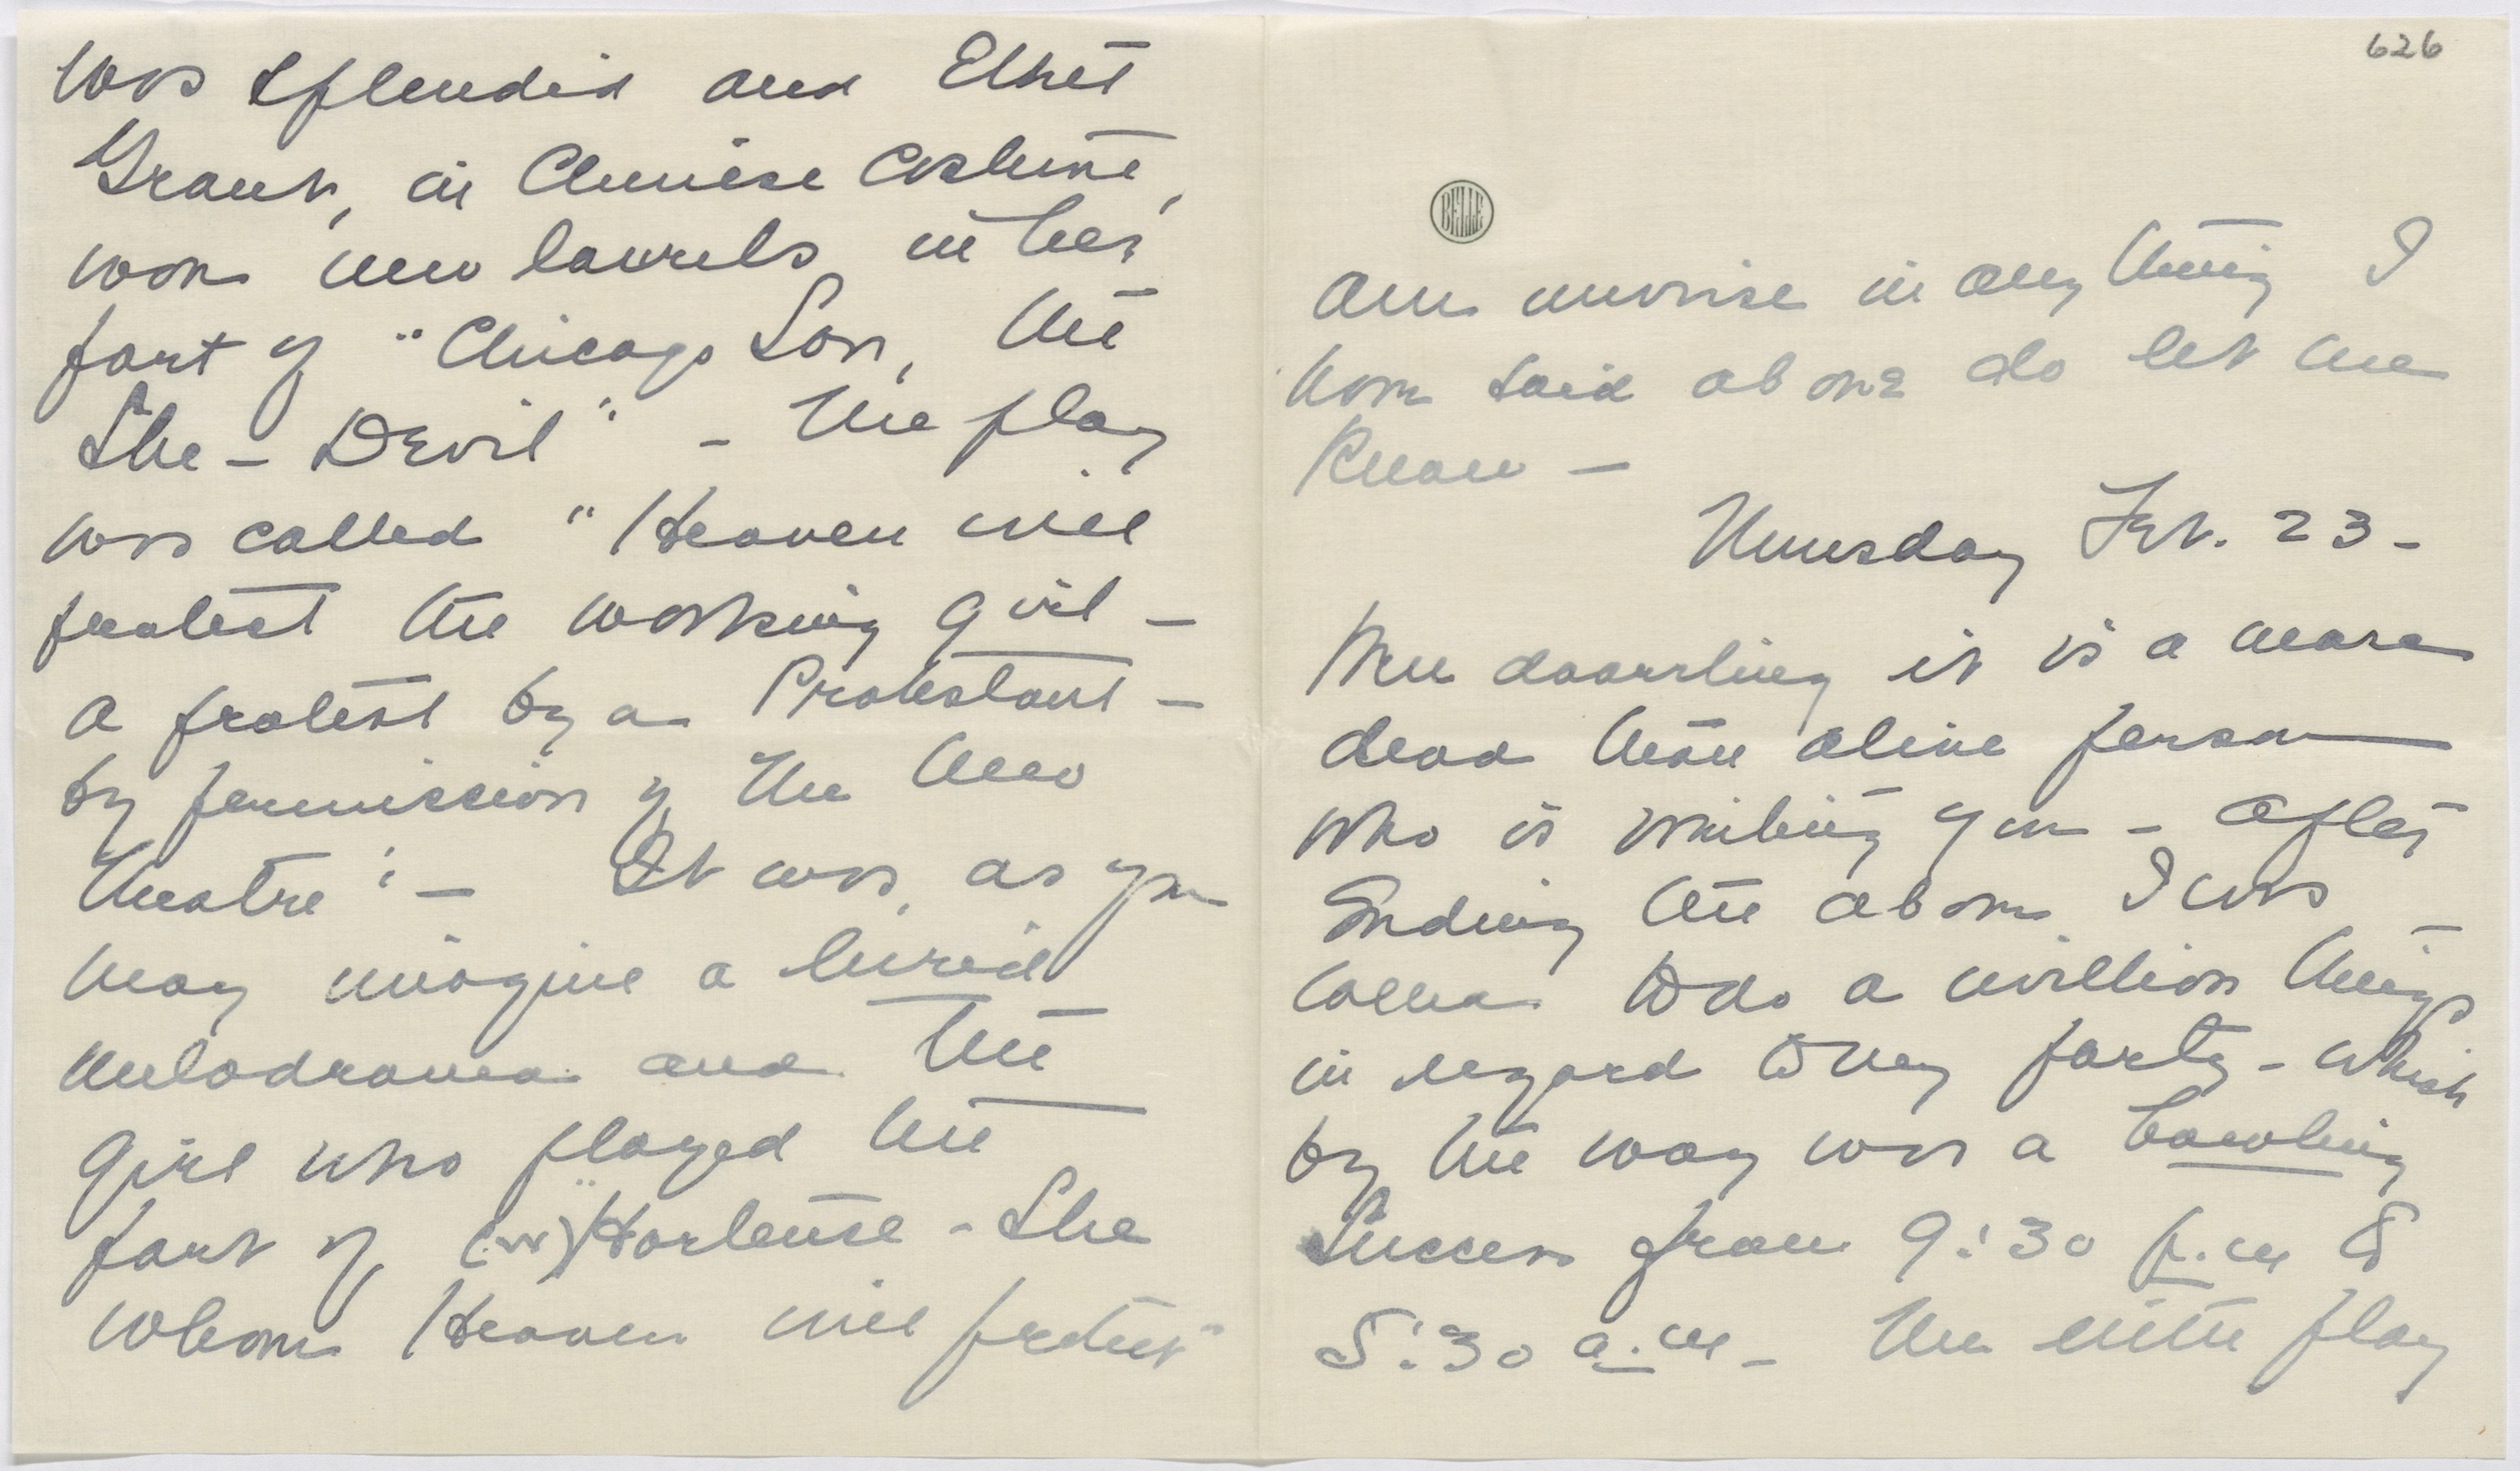am unwise in any thing I have said above do let me know –
Thursday Feb. 23 –
Well daarrling it is a more dead than alive person who is writing you – after Ending the above I was called to do a million things in regard to my party – which by the way was a howling success from 9:30 p.m. to 5:30 a.m – The little play
was splendid and Ethel Grant, in Chinese costume, won new laurels in her part of “Chicago Son, the She-Devil” – The play was called “Heaven will protect the working girl – a protest by a Protestant – by permission of The New Theatre” – It was, as you may imagine a lurid melodrama and the girl who played the part of ([in secretarial script: w])Hortense – She whom Heaven will protect –